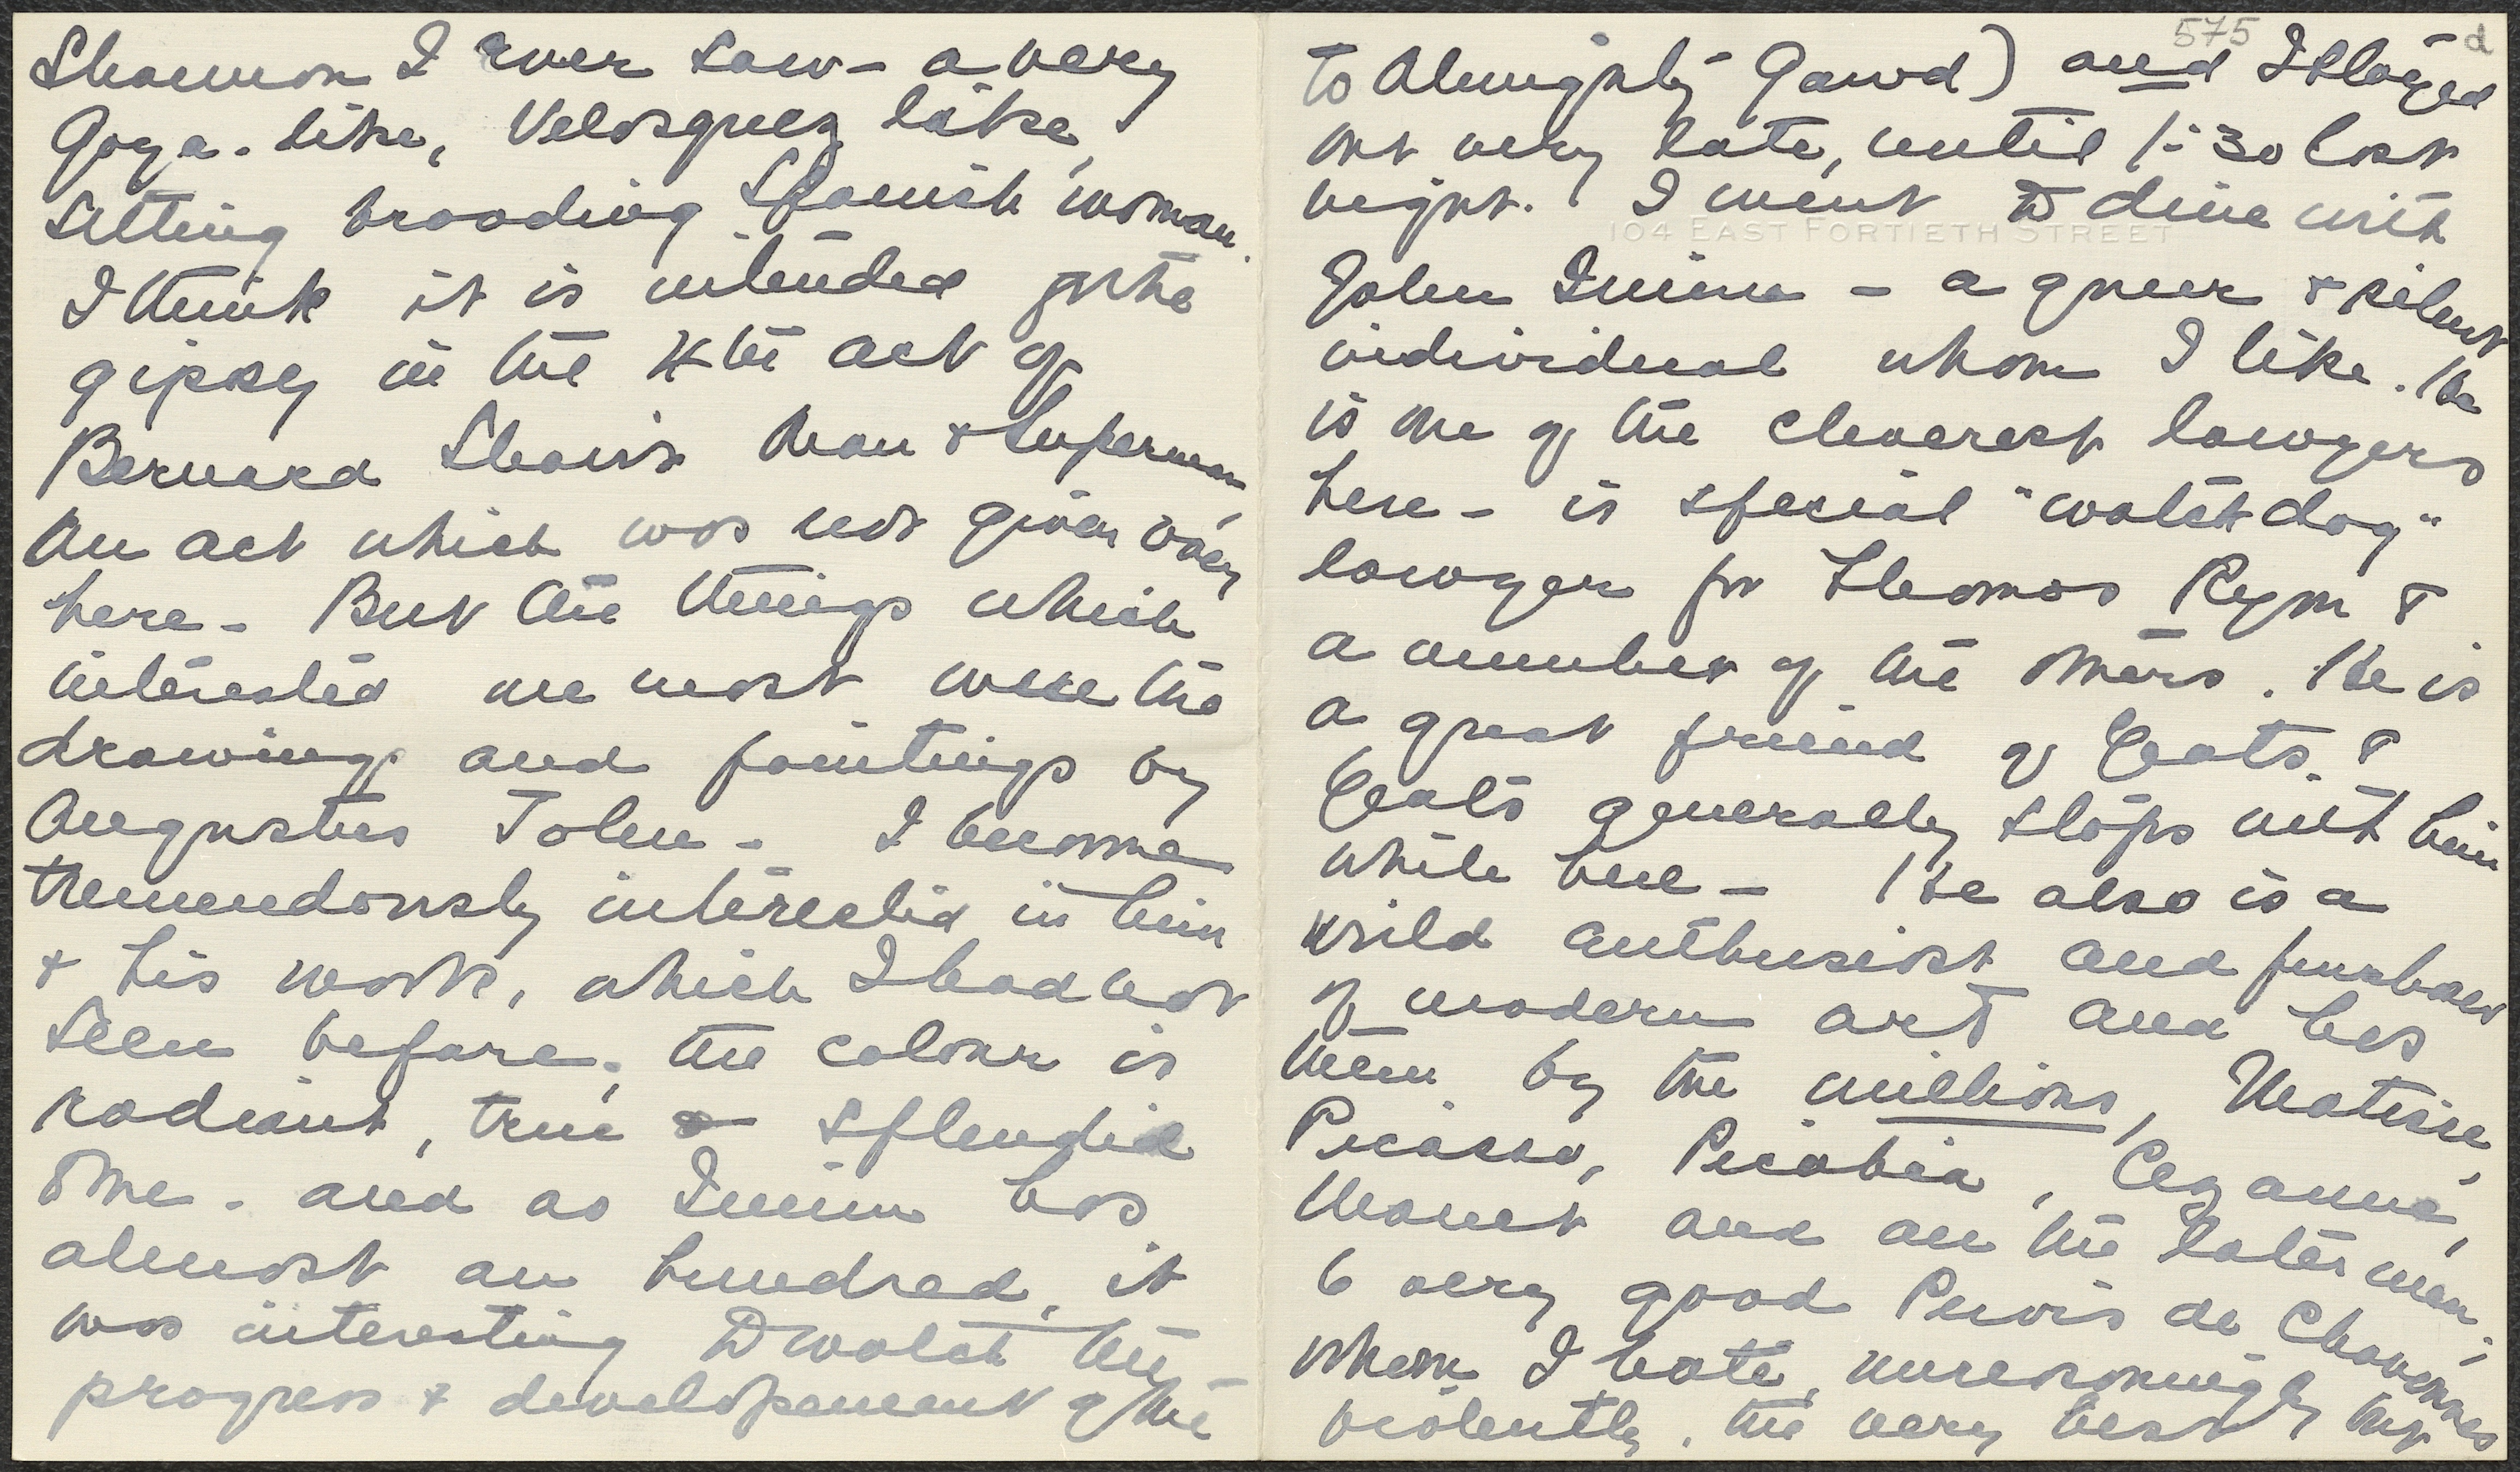to Almighty Gawd) and I stayed out very late, until 1:30 last night. I went to dine with John Quinn – a queer & silent individual whom I like. He is one of the cleverest lawyers here – is special “watch dog” lawyer for Thomas Ryan & a number of the others. He is a great friend of Yeats & Yeats generally stops with him while here – He also is a wild enthusiast and purchaser of modern art and has them by the millions, Mattise, Picasso, Picabia, Cezanne, Manet and all the later men; 6 very good whom I hate, unreasoningly but violently, the very best
Shannon I ever saw – a very Goya-like, Velasquez like, sitting brooding Spanish woman. I think it is intended for the gipsy in the 4th act of Bernard Shaw’s Man & Superman, an act which was not given over here – But the things which interested me most were the drawings and paintings by Augustus John – I became tremendously interested in him & his work, which I had not seen before. The color is radiant, true & splendid to me – and as Quinn has almost an hundred, it was interesting to watch the progress & development of the